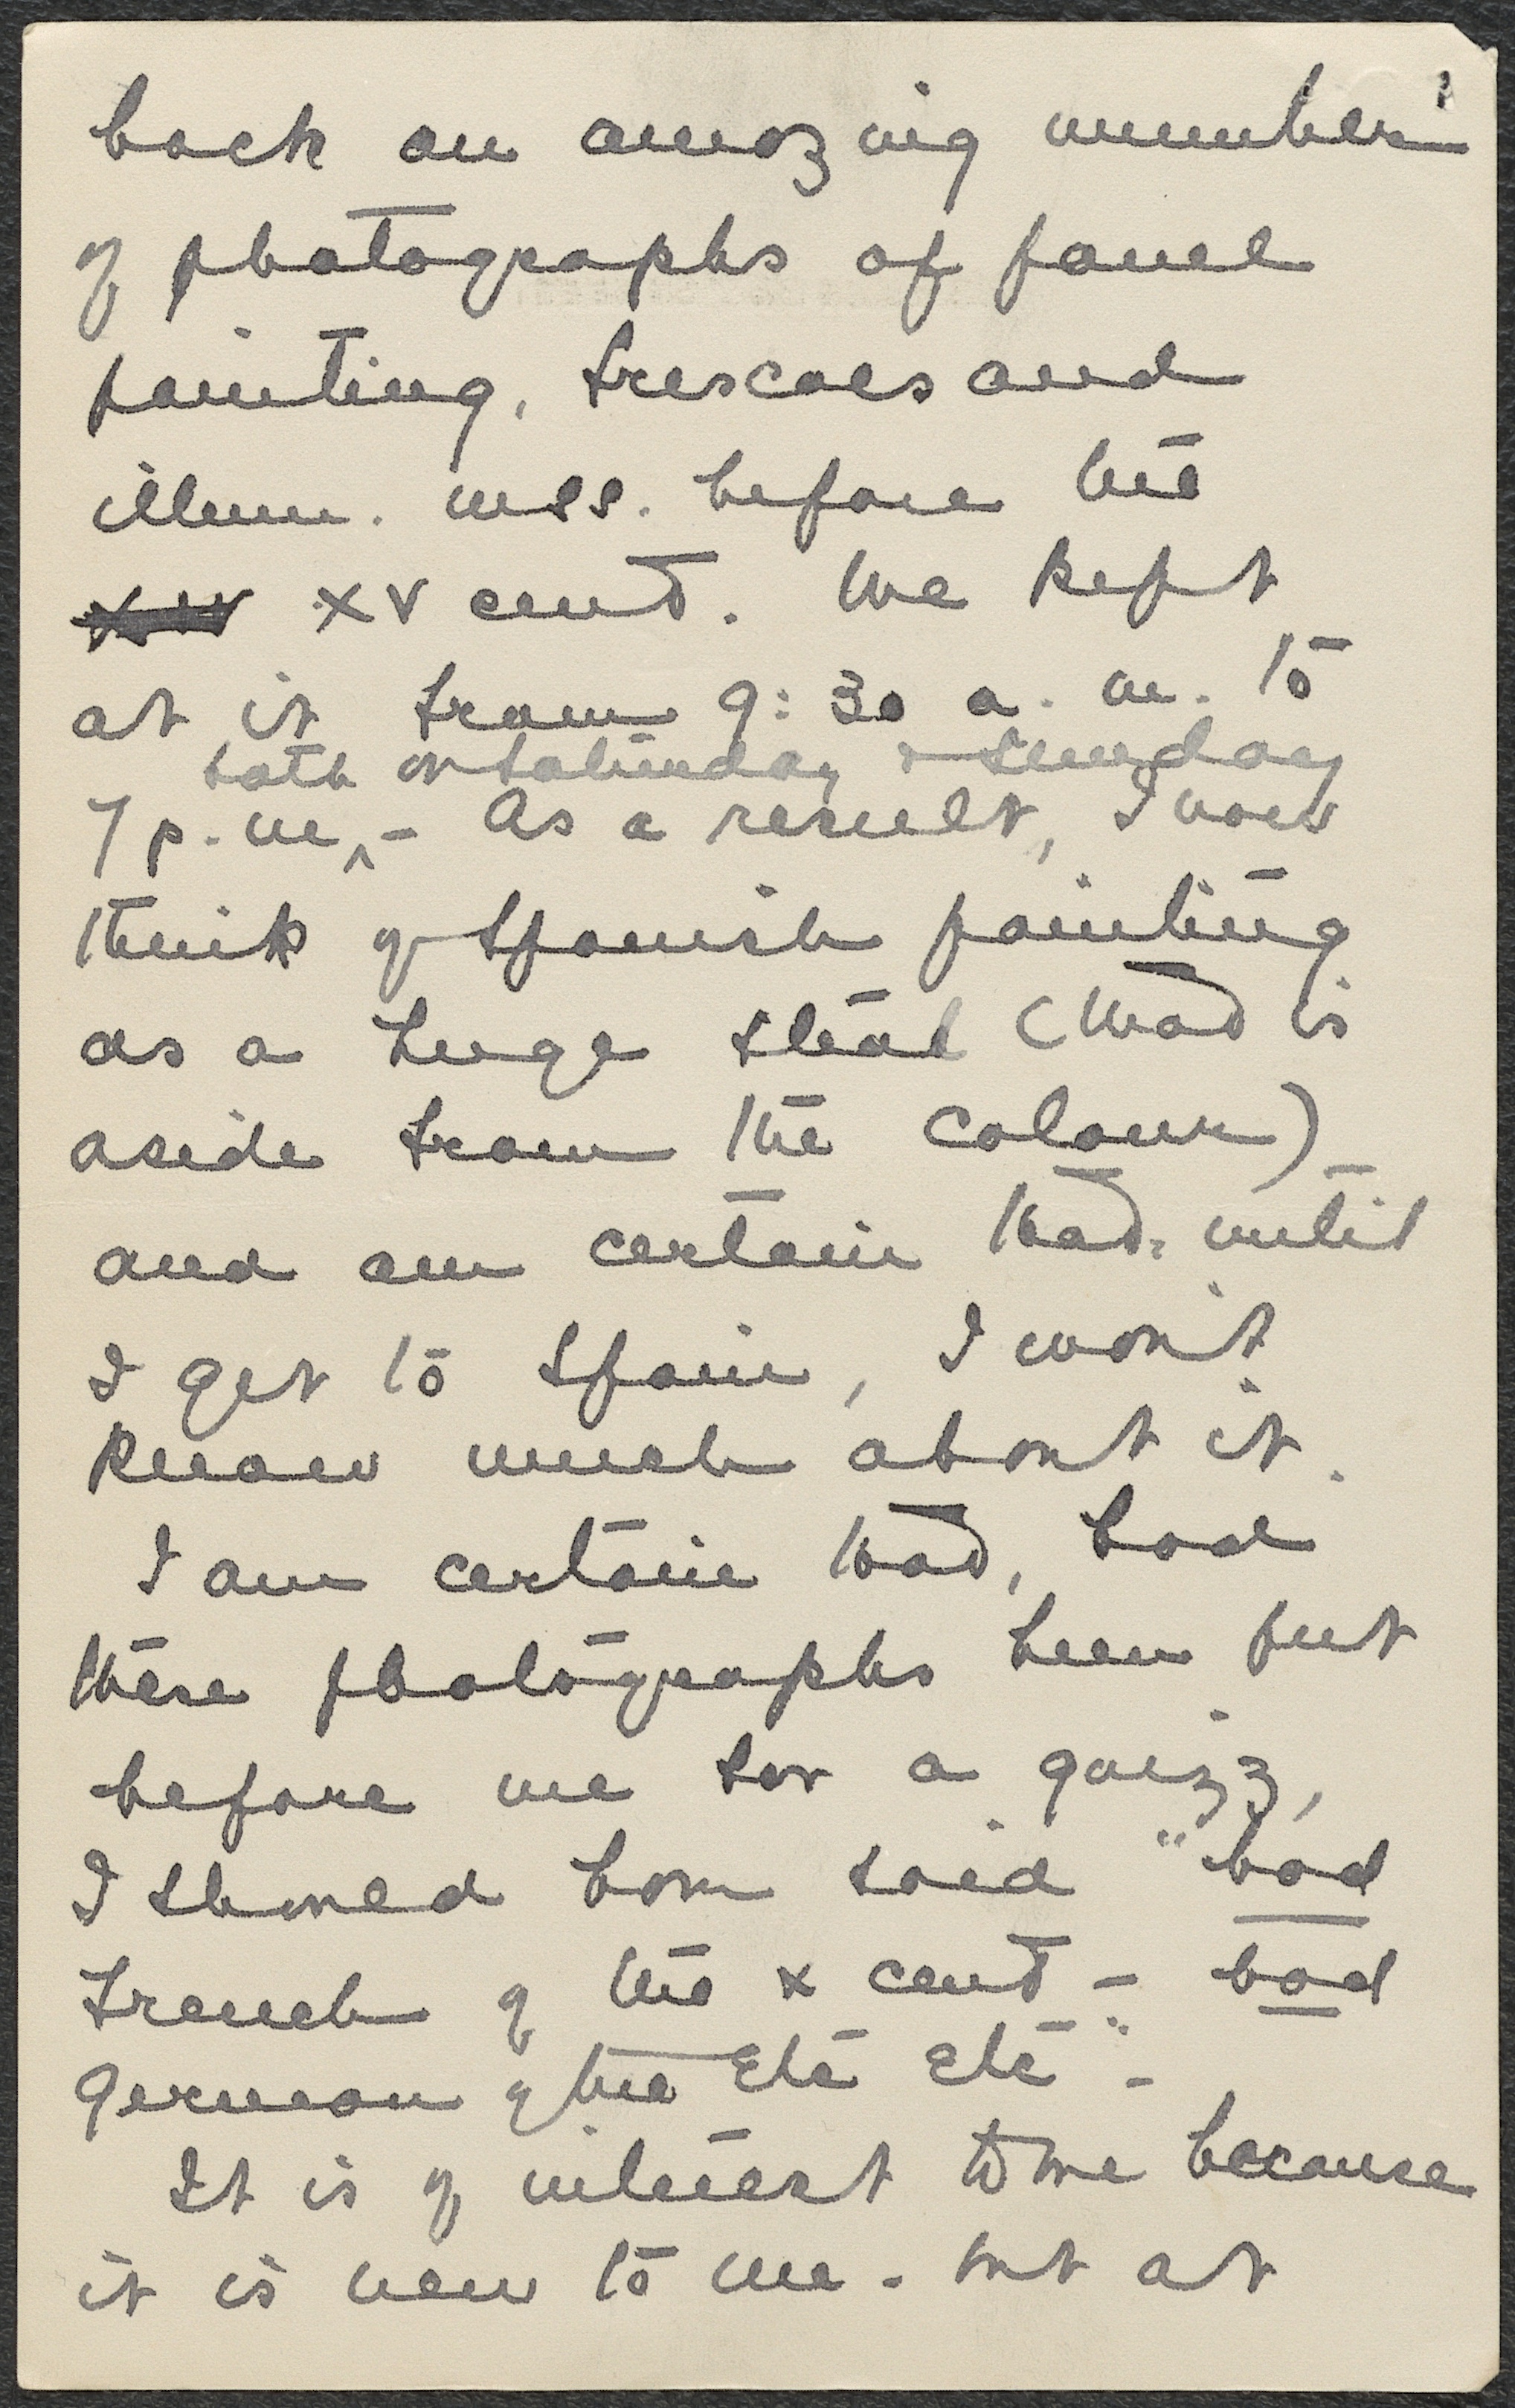back an amazing number of photographs of panel painting, frescoes and illum, MSS. before the XIV XV cent. We kept at it from 9:30 a.m. to 7 p.m [^both on Saturday & Sunday^] – As a result, I now think of Spanish painting as a huge steal (that is aside from the colour) and am certain that, until I get to Spain, I won't know much about it.
I am certain that, had these photographs been put before me for a quiz, I should have said "bad French of the x cent – bad German of the etc etc" –
It is of interest to me because it is new to me – but at